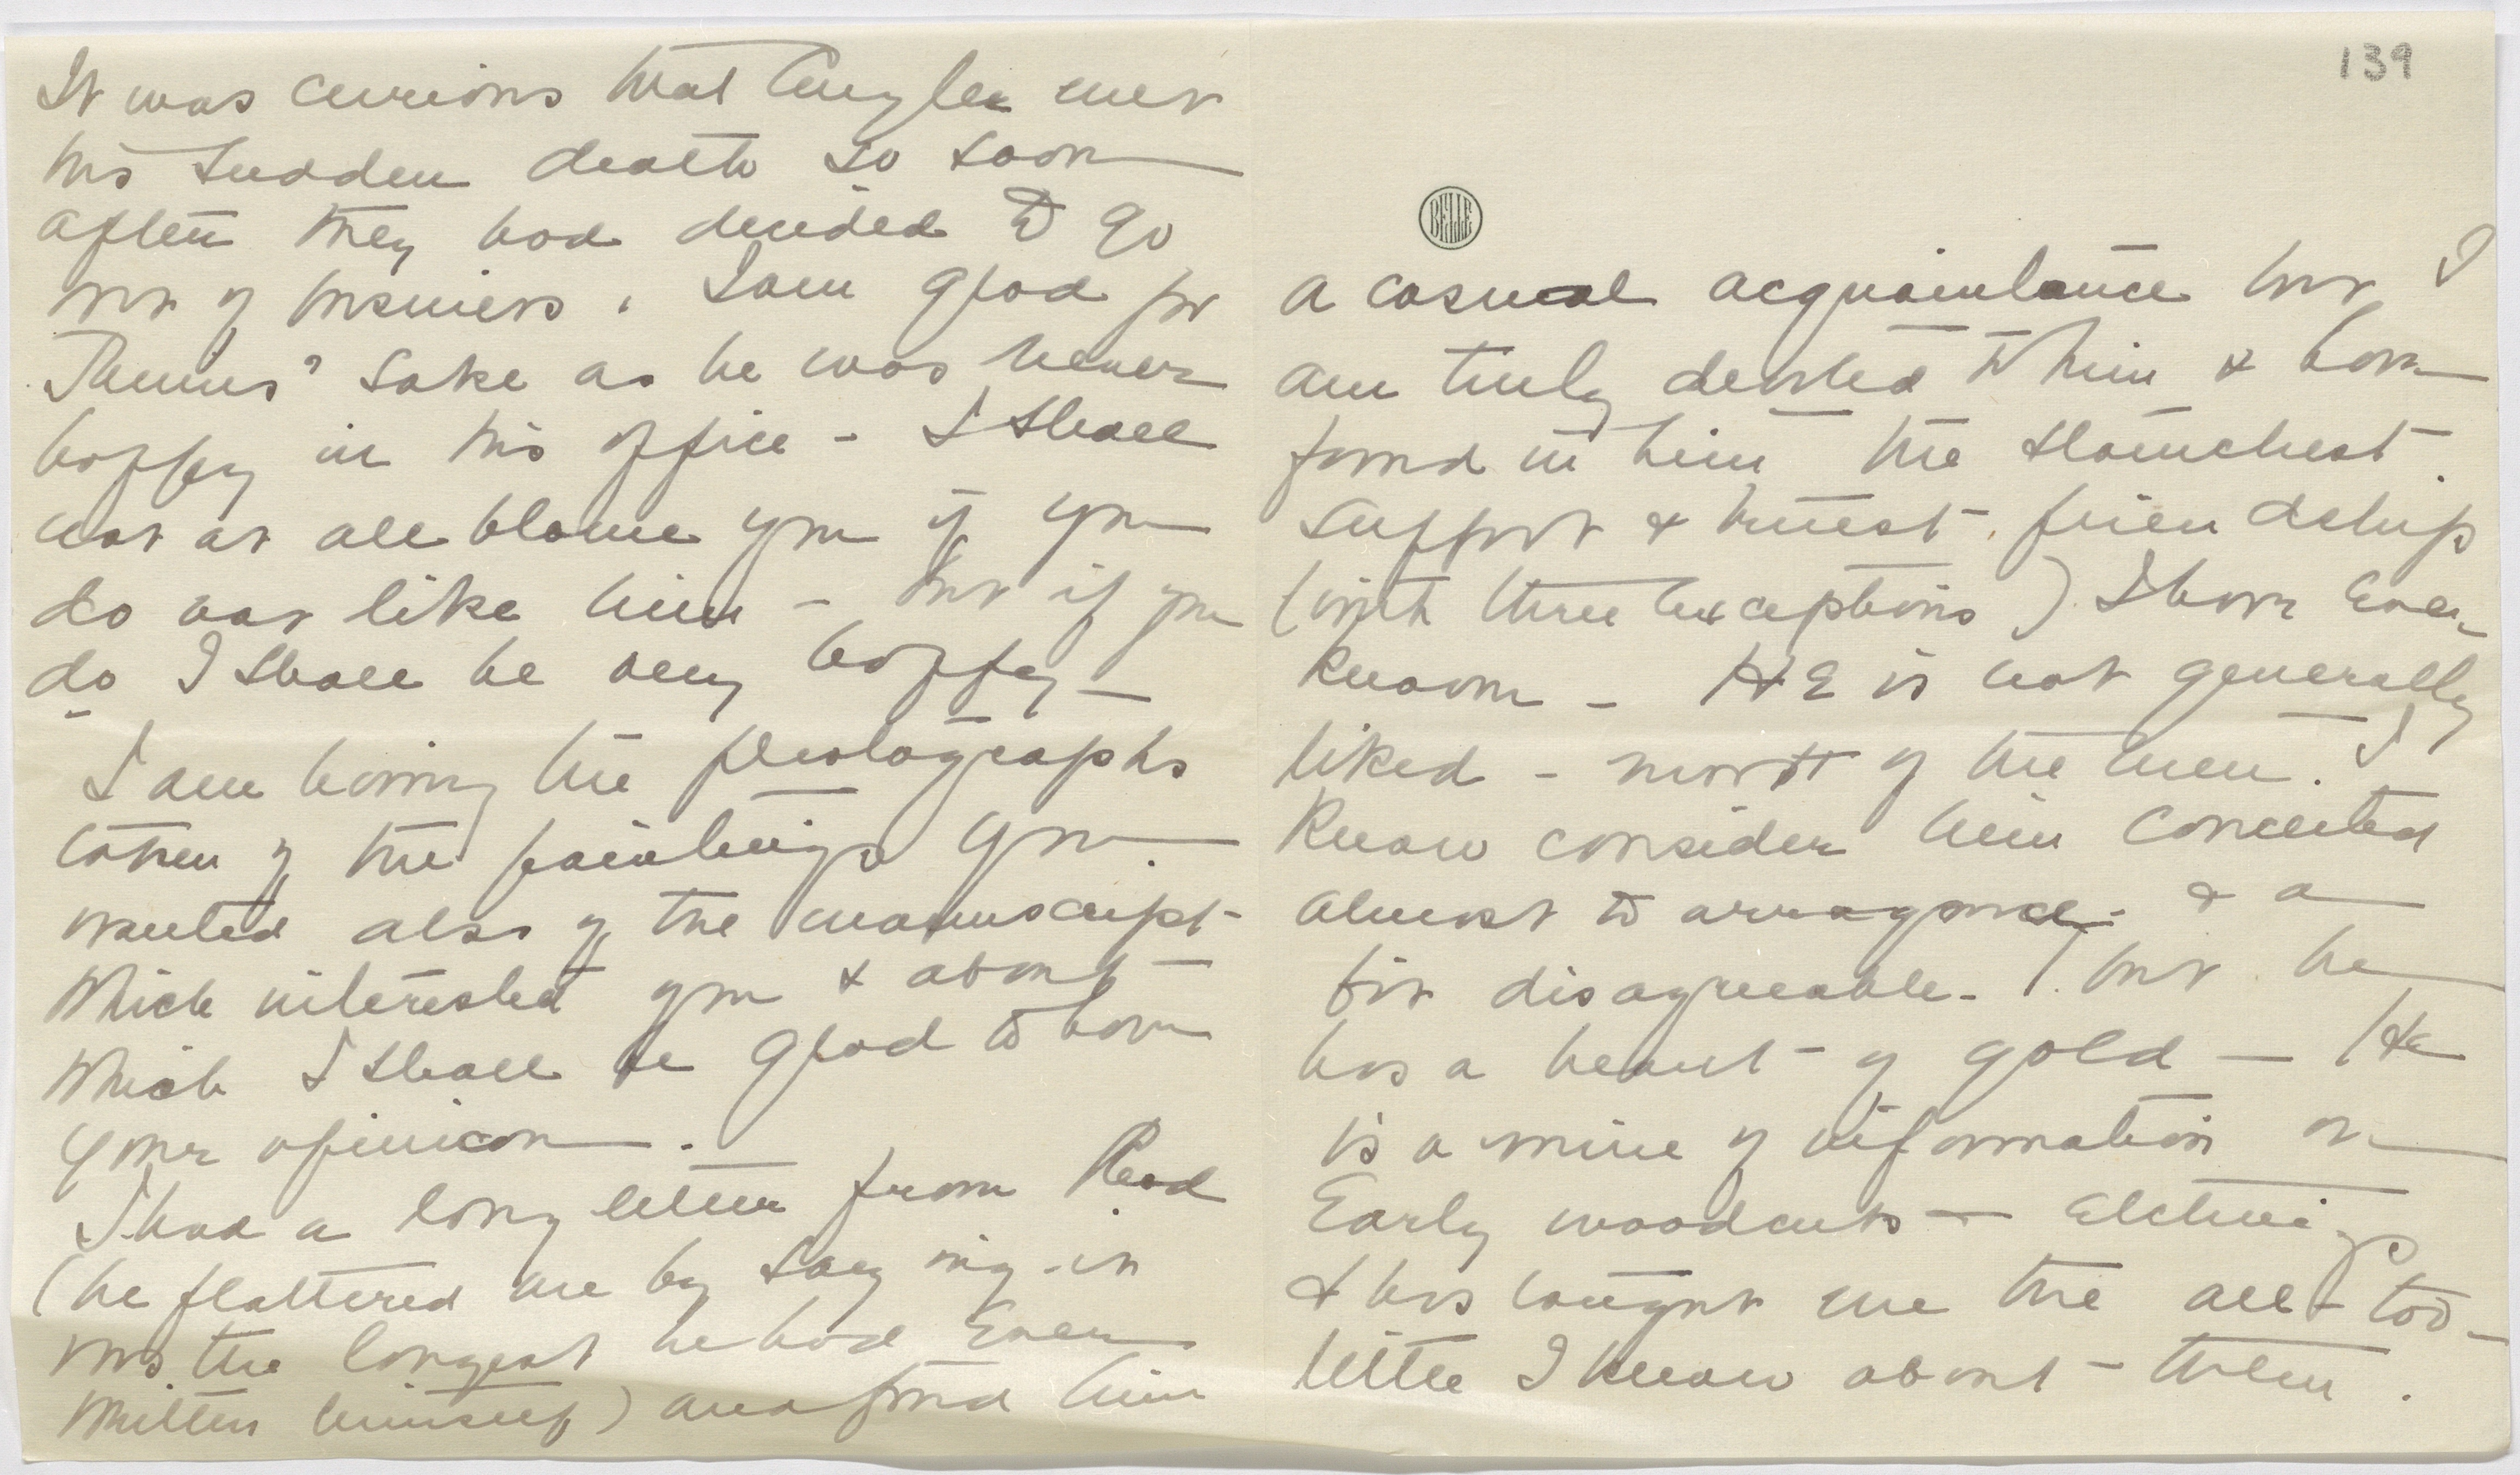a casual acquaintance but I am truly devoted to him & have found in him the staunchest support & truest friendship (with three exceptions) I have ever known – He is not generally liked – most of the men I know consider him conceited almost to arrogance – & a bit disagreeable – but he has a heart of gold – He is a mine of information on early woodcuts – etchings & has taught me the all-too-little I know about them.
It was curious that Cuyler met his sudden death so soon after they had decided to go out of business. I am glad for Junius’s sake as he was never happy in his office – I shall not at all blame you if you do not like him – but if you do I shall be very happy –
I am having the photographs taken of the paintings you wanted also of the manuscript which interested you & about which I shall be glad to have your opinion –
I had a long letter from Read (he flattered me by saying it was the longest he had ever written himself) and find him